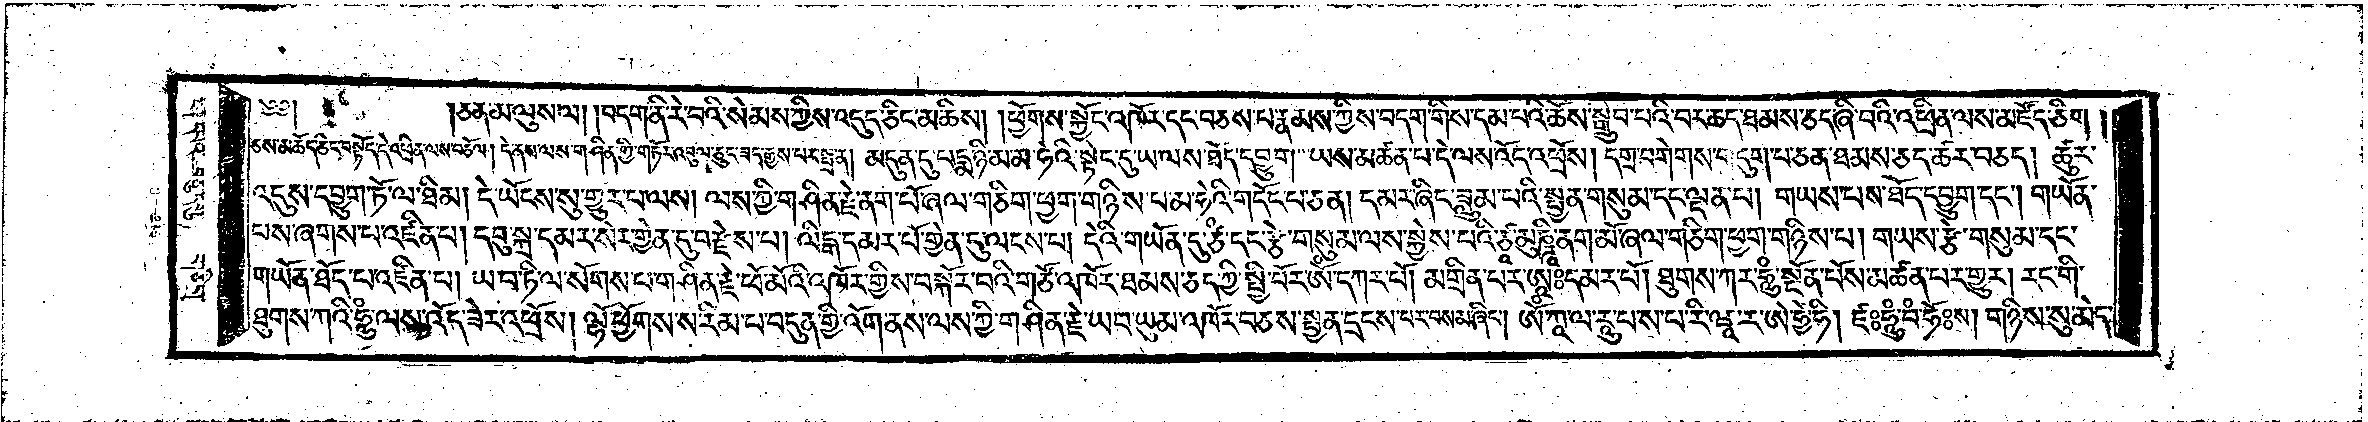༄༅། །ཅན་མ་ལུས་ལ། །བདག་ནི་རེ་བའི་སེམས་ཀྱིས་འདུད་ཅིང་མཆིས། །ཕྱོགས་སྐྱོང་འཁོར་དང་བཅས་པ་རྣམས་ཀྱིས་བདག་གིས་དམ་པའི་ཆོས་སྒྲུབ་པའི་བར་ཆད་ཐམས་ཅད་ཞི་བའི་འཕྲིན་ལས་མཛོད་ཅིག །
ཅས་མཆོད་ཅིང་བསྟོད་དེ་འཕྲིན་ལས་བཅོལ། དེ་ནས་ལས་གཤིན་གྱི་གཏོར་འབུལ་ཅུང་ཟད་རྒྱས་པར་སྤྲན།  མདུན་དུ་པདམ་ཉི་མ་མ་ཧེའི་སྟེང་དུ་ཡ་ལས་ཐོད་དབྱུག་ཡས་མཚན་པ་དེ་ལས་འོད་འཕྲོས། དགྲ་བགེགས་གདུག་པ་ཅན་ཐམས་ཅད་ཚར་བཅད། ཚུར་
འདུས་དབྱུག་ཏོ་ལ་ཐིམ། དེ་ཡོངས་སུ་གྱུར་པ་ལས། ལས་ཀྱི་གཤིན་རྗེ་ནག་པོ་ཞལ་གཅིག་ཕྱག་གཉིས་པ་མ་ཧེའི་གདོང་པ་ཅན། དམར་ཞིང་ཟླུམ་པའི་སྤྱན་གསུམ་དང་ལྡན་པ། གཡས་པས་ཐོད་དབྱུག་དང་། གཡོན་
པས་ཞགས་པ་འཛིན་པ། དབུ་སྐྲ་དམར་སེར་གྱེན་དུ་བརྫེས་པ། ལིངྒ་དམར་པོ་གྱེན་དུ་ལངས་པ། དེའི་གཡོན་དུ་ཙཾ་དང་རྩེ་གསུམ་ལས་སྐྱེས་པའི་ཙཱ་མུཎྜཱི་ནག་མོ་ཞལ་གཅིག་ཕྱག་གཉིས་པ། གཡས་རྩེ་གསུམ་དང་
གཡོན་ཐོད་པ་འཛིན་པ། ཡབ་ཏི་ལ་སོགས་པ་གཤིན་རྗེ་ཕོ་མོའི་འཁོར་གྱིས་བསྐོར་བའི་གཙོ་འཁོར་ཐམས་ཅད་ཀྱི་སྤྱི་བོར་ཨོཾ་དཀར་པོ། མགྲིན་པར་ཨཱཿདམར་པོ། ཐུགས་ཀར་ཧཱུཾ་སྔོན་པོས་མཚན་པར་གྱུར། རང་གི་
ཐུགས་ཀའི་ཧཱུཾ་ལས་འོད་ཟེར་འཕྲོས། ལྷོ་ཕྱོགས་ས་རིམ་པ་བདུན་གྱི་འོག་ནས་ལས་ཀྱི་གཤིན་རྗེ་ཡབ་ཡུམ་འཁོར་བཅས་སྤྱན་དྲངས་པར་བསམ་ཞིང་།  ཨོཾ་ཀཱ་ལ་རཱུ་པ་ས་པ་རི་ཝཱ་ར་ཨེ་ཧྱེ་ཧི། ཛཿ ཧཱུཾ་བཾ་ཧོཿས། གཉིས་སུ་མེད་